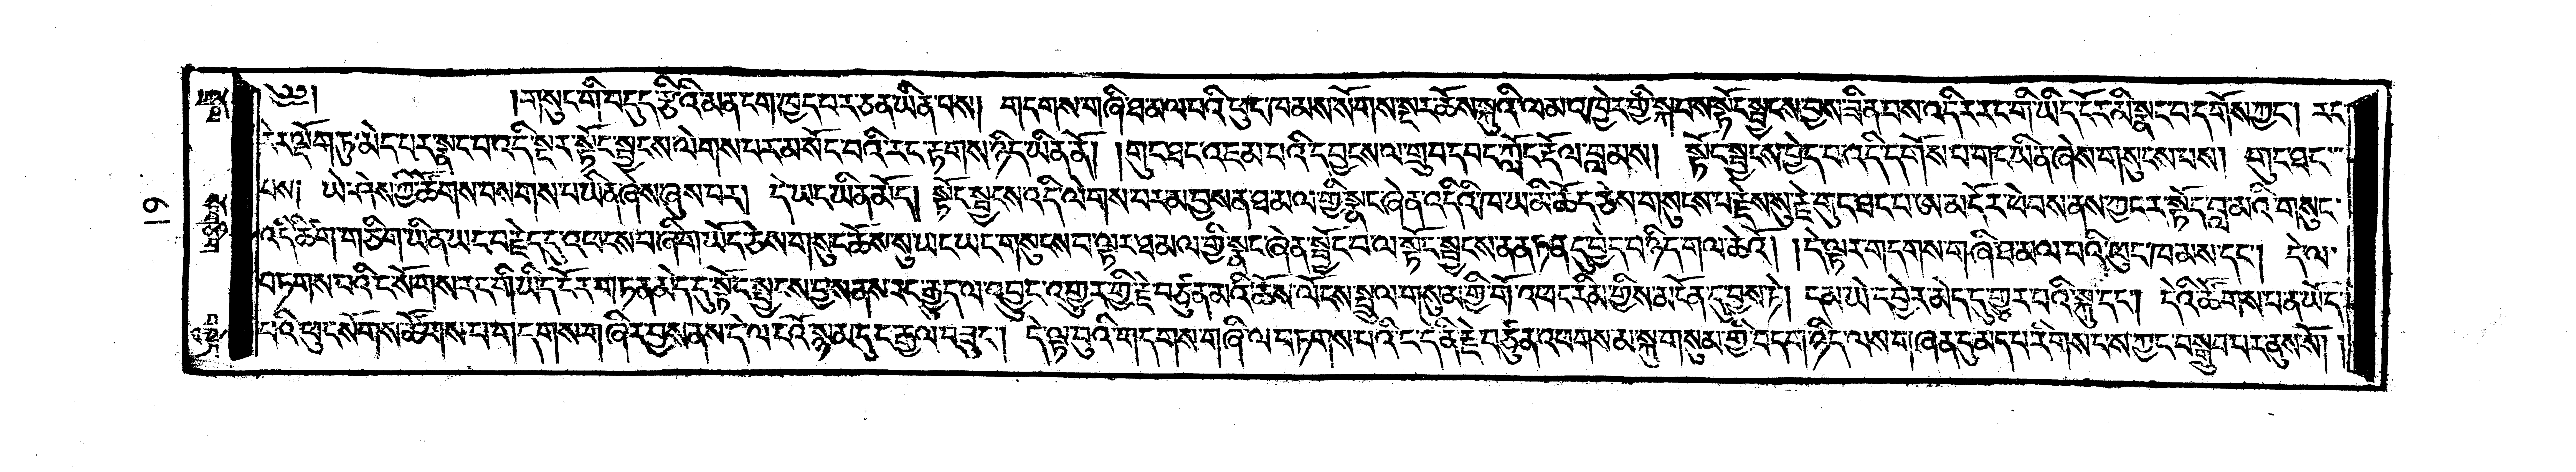༄༅། །གསུང་གི་བདུད་རྩིའི་མན་ངག་ཁྱད་པར་ཅན་ཡིན་པས། གདགས་གཞི་ཐ་མལ་པའི་ཕུང་ཁམས་སོགས་སྔར་ཆོས་སྐུའི་ལམ་འཁྱེར་གྱི་སྐབས་སྟོང་སྦྱངས་བྱས་ཟིན་པས་འདིར་རང་གི་ཡིད་ངོར་མི་སྣང་བ་དགོས་ཀྱང་། རང་
རེར་ལྡོག་ཏུ་མེད་པར་སྣང་བ་འདི་སྔར་སྟོང་སྦྱངས་ལེགས་པར་མ་སོང་བའི་རང་རྟགས་ཉིད་ཡིན་ནོ། །གུང་ཐང་འཇམ་པའི་དབྱངས་ལ་གྲུབ་དབང་ཀློང་རྡོལ་བླ་མས། སྟོང་སྦྱངས་བྱེད་པ་འདི་དགོས་པ་གང་ཡིན་ཞེས་གསུངས་པས། གུང་ཐང་
པས། ཡེ་ཤེས་ཀྱི་ཚེགས་བསགས་པ་ཡིན་ཞེས་ཞུས་པར། དེ་ཡང་ཡིན་མོད། སྟོང་སྦྱངས་འདི་ལེགས་པར་མ་བྱས་ན་ཐ་མལ་གྱི་སྣང་ཞེན་འདིའི་ཁ་ཡ་མི་ཆོད་ཅེས་གསུངས་པ་རྗེས་སུ་རྗེ་གུང་ཐང་པ་ཨ་མདོར་ཕེབས་ནས་ཀྱང་ར་སྟོད་བླ་མའི་གསུང་
འདི་ཚིག་གཅིག་ཡིན་ཡང་བརྗེད་དུ་ཕངས་པ་ཞིག་ཡོད་ཅེས་གསུང་ཆོས་སུ་ཡང་ཡང་གསུངས་པ་ལྟར་ཐ་མལ་གྱི་སྣང་ཞེན་སྦྱོང་བ་ལ་སྟོང་སྦྱངས་ནན་ཏན་དུ་བྱེད་པ་ཉིད་གལ་ཆེའོ། །དེ་ལྟར་གདགས་གཞི་ཐ་མལ་པའི་ཕུང་ཁམས་དང་། དེ་ལ་
བཏགས་པའི་ང་སོགས་རང་གི་ཡིད་ངོར་གཏན་མེད་དུ་སྟོང་སྦྱངས་བྱས་ནས་རང་རྒྱུད་ལ་འབྱུང་འགྱུར་གྱི་རྗེ་བཙུན་མའི་ཆོས་ལོངས་སྤྲུལ་གསུམ་གྱི་གོ་འཕང་རིམ་གྱིས་མངོན་དུ་བྱས་ཏེ། དམ་ཡེ་དབྱེར་མེད་དུ་གྱུར་པའི་སྐུ་དང་། དེའི་ཚོགས་པ་ན་ཡོད་
པའི་ཕུང་སོགས་ཚོགས་པ་གདགས་གཞིར་བྱས་ནས་དེ་ལ་ངའོ་སྙམ་དུ་ང་རྒྱལ་བཟུང་། དེ་ལྟ་བུའི་གདགས་གཞི་ལ་བཏགས་པའི་ང་དེ་ནི་རྗེ་བཙུན་འཕགས་མ་སྐུ་གསུམ་གྱི་བདག་ཉིད་ལས་གཞན་དུ་མེད་པ་རིགས་པས་ཀྱང་བསྒྲུབ་པར་ནུས་སོ། །